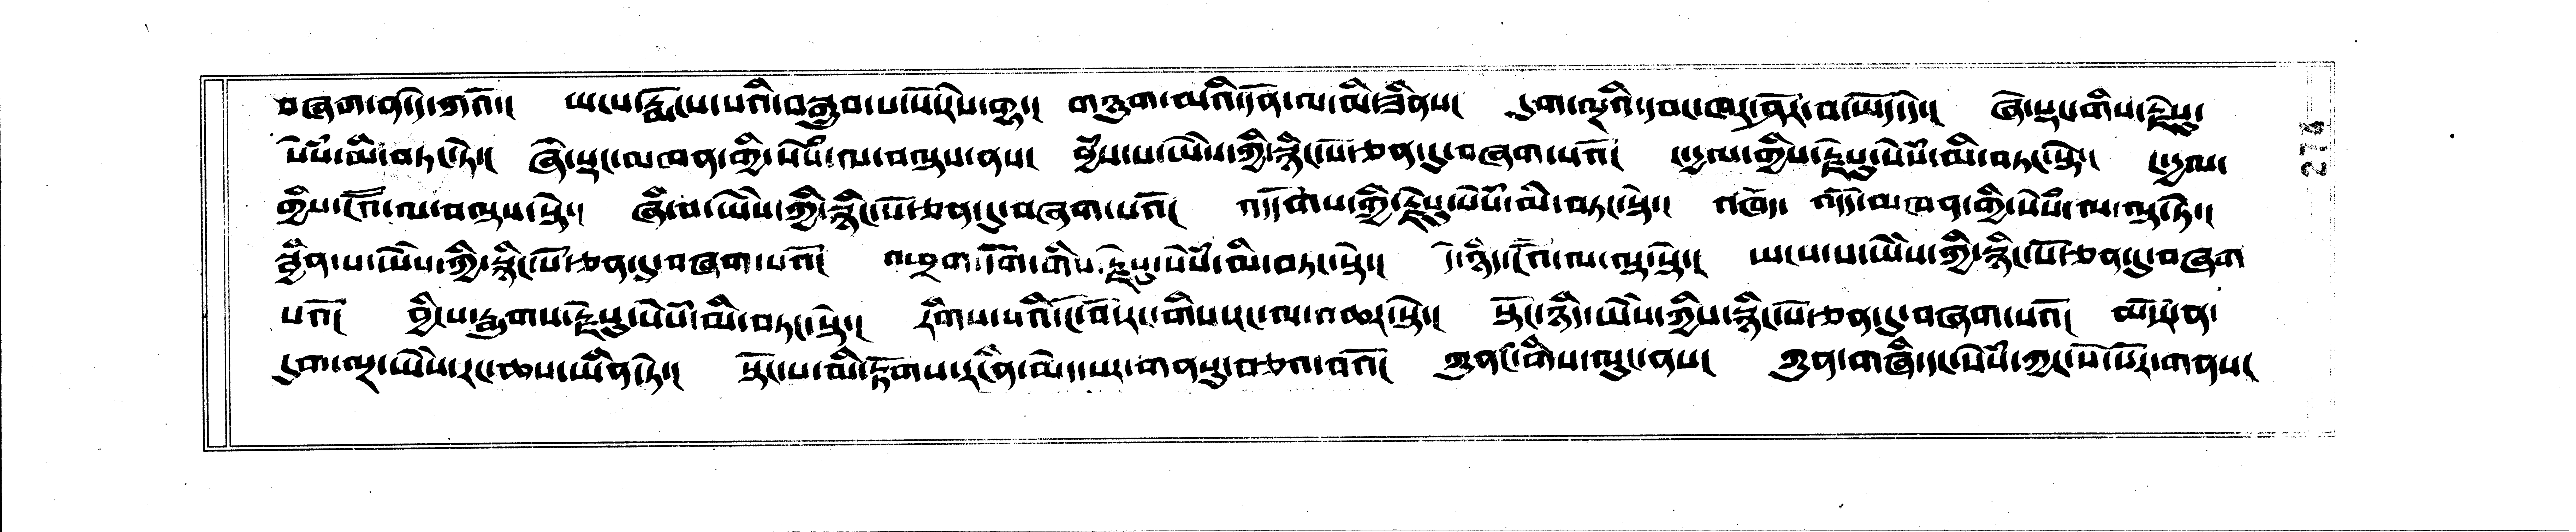དུ་བཞགས་ན་དེ་ཀའོ། ཡང་རྨོངས་པའི་བསྒྲུབ་པ་པོ་རེས་གྷས་(འགས)། གཉུག་མའི་དོན་ལ་མི་ཟིན་ནས། དུག་ལྔའི་དབང་ཁར་ཤོར་བ་ཡོད་དེ། ཞེ་སྡང་གིས་རྗེས་སུ་
སེམས་མི་བཏང་སྟེ། ཞེ་སྡང་མཁན་གྱིས་སེམས་ལ་ལྟ་ནས་བྱམས་པའི་ཡེ་ཤེས་ཀྱིས་སྙིང་པོ་ཅན་དུ་བཞག་པའོ། ང་རྒྱལ་གྱིས་རྗེས་སུ་སེམས་མི་བཏང་སྟེ། ང་རྒྱལ་
གྱི་ངོའོ་ལ་ལྟ་སྟེ་ཞི་བ་ཡེ་ཤེས་ཀྱི་སྙིང་པོ་ཅན་དུ་བཞགས་པའོ། འདོད་ཆགས་ཀྱིས་རྗེས་སུ་སེམས་མི་བཏང་སྟེ། འདོད་ཆགས་མཁན་གྱིེས་སེམས་ལ་ལྟ་སྟེ།
སྦྱིན་པ་ཡེ་ཤེས་ཀྱི་སྙིང་པོ་ཅན་དུ་བཞག་པའོ། འཕྲག་དོག་གིས་རྗེས་སུ་སེམས་མི་བཏང་སྟེ། དེ་ཉིད་ཀྱི་ངོའོ་ལ་ལྟ་སྟེ་ཡངས་པ་ཡེ་ཤེས་ཀྱིས་སྙིང་པོ་ཅན་དུ་བཞགས་
པའོ། བྱིང་རྨུགས་ཀྱི་རྗེས་སུ་སེམས་མི་བཏང་སྟེ། རིག་པའི་ངོའོ་རང་རིག་རང་ལས་ལྟ་”འཆར”སྟེ། སྟོང་ཉིད་ཡེ་ཤེས་ཀྱི་སྙིང་པོ་ཅན་དུ་བཞག་པའོ། མདོར་ན་
དུག་ལྔ་ཡང་ཡེ་ཤེས་རང་ཆས་ཡིན་ཏེ། སྟོང་ལ་མི་རྟོག་རང་བཞིན་མེད་པར་གནས་སུ་བཅོལ་བའོ། ཡང་ཀུན་བཟང་གིས་ཞལ་ནས། ཀུན་གཞི་དང་སེམས་ཀྱང་སོ་སོར་གནས། སེམས་ཉིད་དང་ཡེ་ཤེས་ཀྱང་སོ་སོར་གནས།